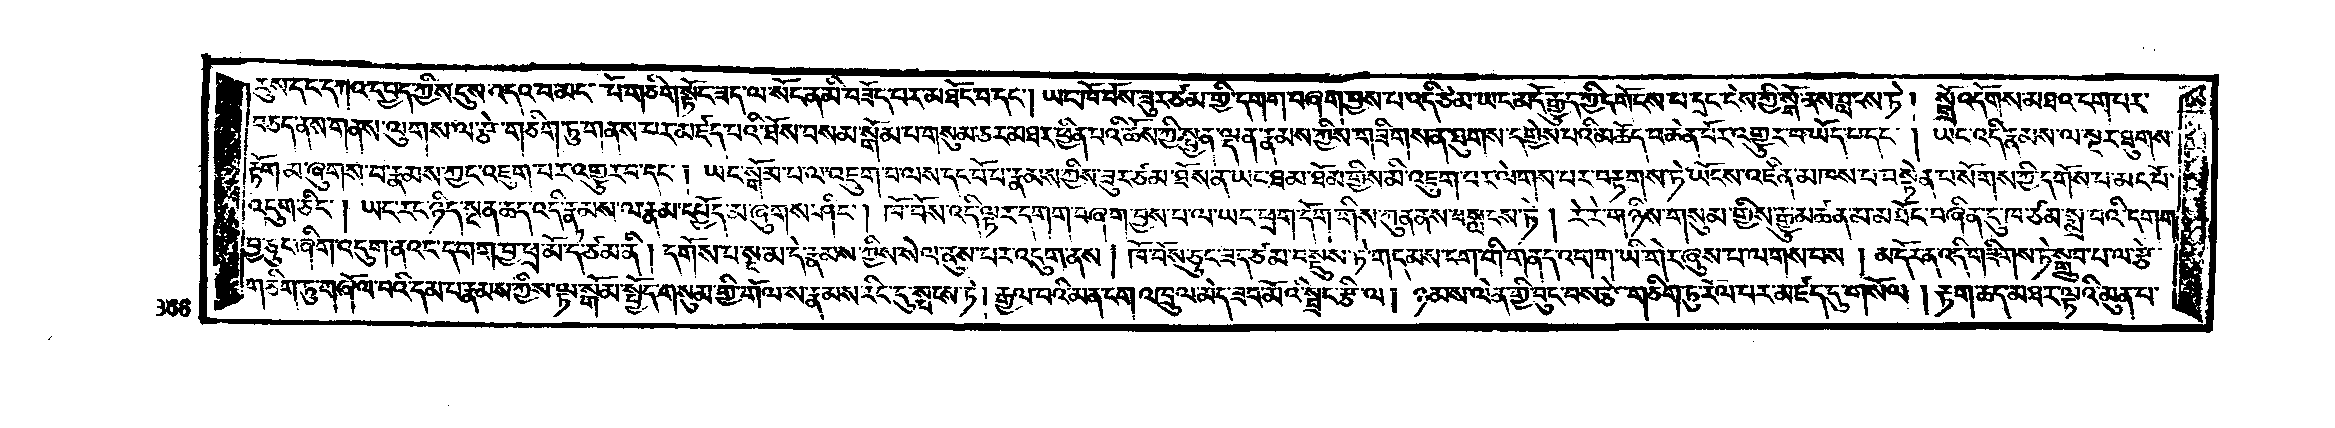རུས་དང་དཀའ་དཔྱད་ཀྱིས་དུས་འདའ་བ་མང་པོ་གཅིག་སྟོང་ཟད་ལ་སོང་ན་མི་བཟོད་པར་མཐོང་བ་དང་། ཡང་ཁོ་བོས་ཟུར་ཙམ་གྱི་དགག་བཞག་བྱས་པ་འདི་ཙམ་ཡང་མདོ་རྒྱུད་ཀྱི་དགོངས་པ་དྲང་ངེས་ཀྱི་སྒོ་ནས་བླངས་ཏེ། སྒྲོ་འདོགས་མཐའ་དག་པར་
བཅད་ནས་གནས་ལུགས་ལ་རྩེ་གཅིག་ཏུ་གནས་པར་མཛད་པའི་ཐོས་བསམ་སྒོམ་པ་གསུམ་ཅར་མཐར་ཕྱིན་པའི་ཆོས་ཀྱི་སྤྱན་ལྡན་རྣམས་ཀྱིས་གཟིགས་ན་ཐུགས་དགྱེས་པའི་མཆོད་པ་ཆེན་པོར་འགྱུར་བ་ཡོད་པ་དང་། ཡང་འདི་རྣམས་ལ་སྔར་ཐུགས་
རྟོག་མ་ཞུགས་པ་རྣམས་ཀྱང་འཇུག་པར་འགྱུར་བ་དང་། ཡང་སྒོམ་པ་ལ་འཇུག་པ་ལས་དང་པོ་པ་རྣམས་ཀྱིས་ཟུར་ཙམ་ཐོས་ན་ཡང་ཐམ་ཐོམ་གྱིས་མི་འཇུག་པར་ལེགས་པར་བརྟགས་ཏེ་ཡོངས་འཛིན་མཁས་པ་བསྟེན་པ་སོགས་ཀྱི་དགོས་པ་མང་པོ་
འདུག་ཅིང་། ཡང་རང་ཉིད་སྔོན་ཆད་འདི་རྣམས་ལ་རྣམ་དཔྱོད་མ་ཞུགས་ཤིང་། ཁོ་བོས་འདི་ལྟར་དགག་བཞག་བྱས་པ་ལ་ཡང་ཕྲག་དོག་གིས་ཀུན་ནས་བསླངས་ཏེ། རེ་རེ་གཉིས་གསུམ་གྱིས་རྒྱུ་མཚན་མ་མཐོང་བཞིན་དུ་ཁ་ཙམ་སྨྲ་བའི་དགག་
བྱ་ཅུང་ཞིག་འདུག་ནའང་དགག་བྱ་ཕྲ་མོ་དེ་ཙམ་ནི། དགོས་པ་སྔ་མ་དེ་རྣམས་ཀྱིས་སེལ་ནུས་པར་འདུག་ནས། ཁོ་བོས་ཅུང་ཟད་ཙམ་བསྡུས་ཏེ་གདམས་ངག་གི་གནད་འགག་ཡི་གེར་ཞུས་པ་ལགས་པས། མདོར་ན་འདི་གཟིགས་ཏེ་སྒྲུབ་པ་ལ་རྩེ་
གཅིག་ཏུ་གཞེལ་བའི་དམ་པ་རྣམས་ཀྱིས་ལྟ་སྒོམ་སྤྱོད་གསུམ་གྱི་གོལ་ས་རྣམས་རིང་དུ་སྤངས་ཏེ། རྒྱལ་བའི་མན་ངག་འཁྲུལ་མེད་ཟབ་མོའི་སྦྲང་རྩི་ལ། ཉམས་ལེན་གྱི་བུང་བས་རྩེ་གཅིག་ཏུ་རོལ་པར་མཛད་དུ་གསོལ། རྟག་ཆད་མཐར་ལྟའི་མུན་པ་